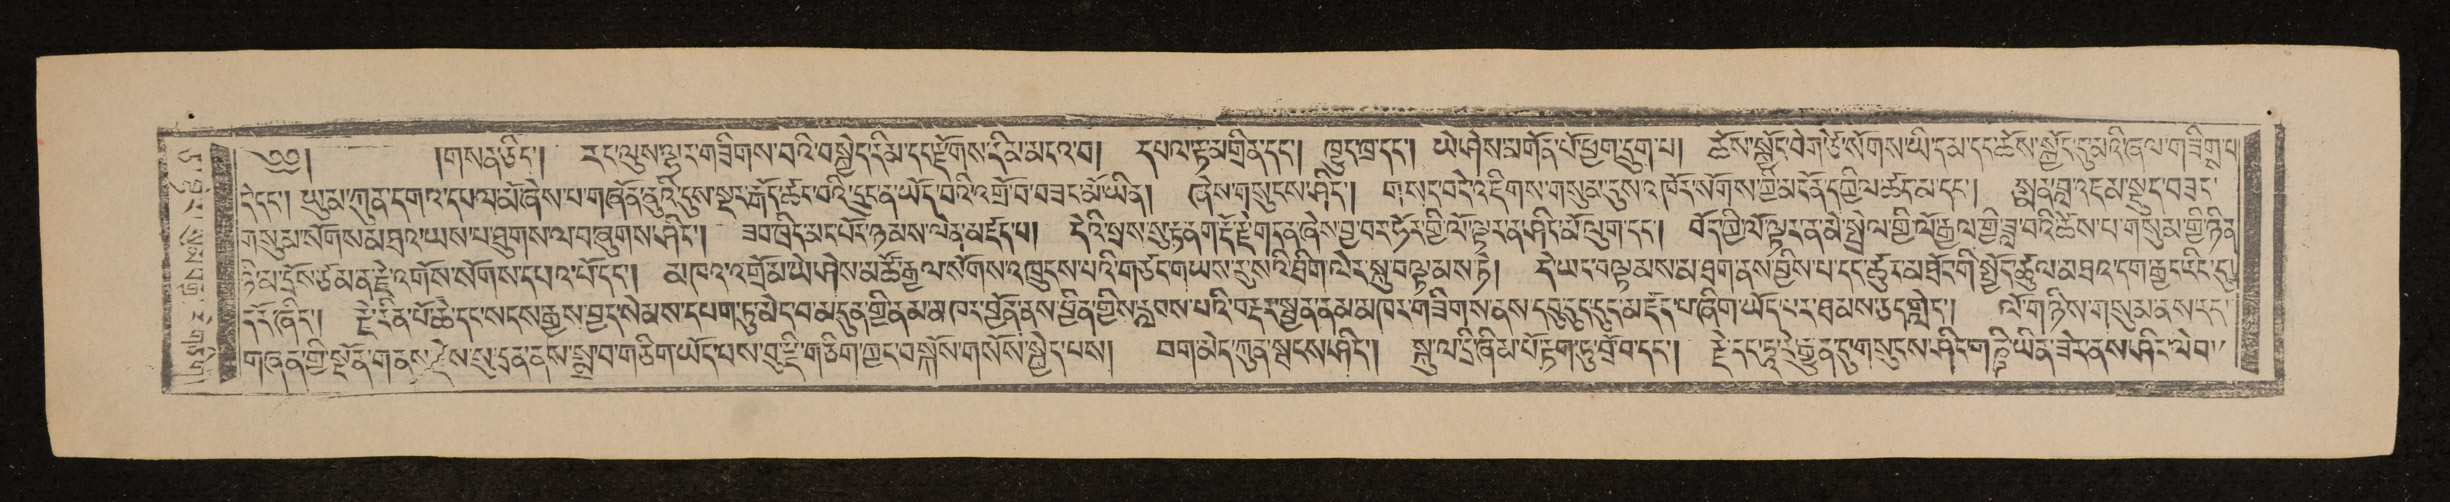༄༅། །གསན་ཅིང་། རང་ལུས་ལྷར་གཟིགས་པའི་བསྐྱེད་རིམ་དང་རྫོགས་རིམ་མངའ་བ། དཔལ་རྟ་མགྲིན་དང་། ཁྱུང་ཁྲ་དང་། ཡེ་ཤེས་མགོན་པོ་ཕྱག་དྲུག་པ། ཆོས་སྐྱོང་བེག་ཙེ་སོགས་ཡི་དམ་དང་ཆོས་སྐྱོང་དུ་མའི་ཞལ་གཟིགས་པ་
དེ་དང་། ཡུམ་ཀུན་དགའ་དཔལ་མོ་ཞེས་པ་གཞོན་ནུའི་དུས་སྔར་རྒོད་ཚང་བའི་དྲུང་ན་ཡོད་པའི་འགྲོ་བ་བཟང་མོ་ཡིན། ཞེས་གསུངས་ཤིང་། གསང་བདེ་འཇིགས་གསུམ་དུས་འཁོར་སོགས་ཀྱི་མངོན་དཀྱིལ་ཚད་མ་དང་། སྨན་བླ་འཇམ་སྡུད་བཟང་
གསུམ་སོགས་མཐའ་ཡས་པ་ཐུགས་ལ་བཞུགས་ཤིང་། ཟབ་ཁྲིད་མང་པོར་ཉམས་ལེན་མཛད་པ། དེའི་སྲས་སུ་རྟ་ནག་རྡོ་རྗེ་གདན་ཞེས་བྱ་བར་ཧོར་གྱི་ལོ་ལྟར་ན་ཤིང་མོ་ལུག་དང་། བོད་ཀྱི་ལོ་ལྟར་ན་མེ་སྤྲེལ་གྱི་ལོ་རྒྱལ་གྱི་ཟླ་བའི་ཚེས་པ་གསུམ་གྱི་ཉིན་
ཉི་མ་དྲོས་ཙམ་ན་རྗེ་འགོས་སོགས་དཔའ་བོ་དང་། མཁའ་འགྲོ་མ་ཡེ་ཤེས་མཚོ་རྒྱལ་སོགས་འཁྲུངས་པའི་གཙང་གཡས་རུ་སའི་ཐིག་ལེར་སྐུ་བལྟམས་ཏེ། དེ་ཡང་བལྟམས་མ་ཐག་ནས་བྱིས་པ་དང་ཚུར་མཐོང་གི་སྤྱོད་ཚུལ་མཐའ་དག་རྒྱང་རིང་དུ་
དོར་ཞིང་། རྗེ་རིན་པོ་ཆེ་དང་སངས་རྒྱས་བྱང་སེམས་དཔག་ཏུ་མེད་པ་མདུན་གྱི་ནམ་མཁར་བྱོན་ནས་བྱིན་གྱིས་རླབས་པའི་བརྡར་སྤྱན་ནམ་མཁར་གཟིགས་ནས་དབུ་དུད་དུད་མཛད་པ་ཞིག་ཡོད་པར་ཐམས་ཅད་གླེང་། ལོ་གཉིས་གསུམ་ནས་རང་
གཞན་གྱི་སྔོན་གནས་རྗེས་སུ་དྲན་ནས་སྨྲ་བ་གཅིག་ཡོད་པས་བུ་རྫི་གཅིག་ཀྱང་བསྐོས་གསོས་སྐྱེད་པས། བག་མེད་ཀུན་སྤངས་ཤིང་། སྐུ་ལ་དྲི་ཞིམ་པོ་རྟག་ཏུ་བྲོ་བ་དང་། རྗེ་དང་ཏཱ་རེ་རྒྱུན་དུ་གསུངས་ཤིང་གཎྜི་ཡིན་ཟེར་ནས་ཤིང་ལེབ་